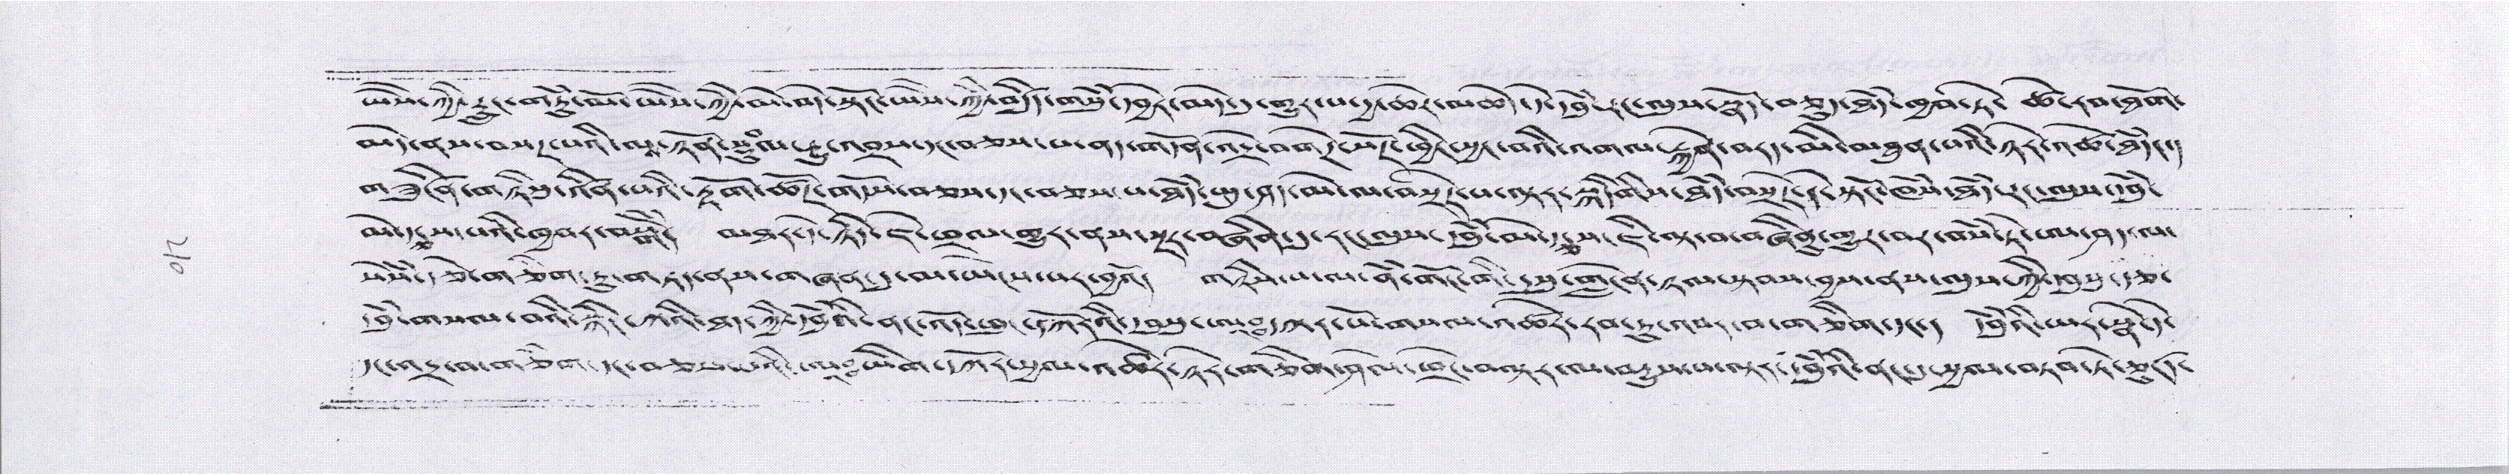ཡེ་ཤེས་ཀྱི་རླུང་། གཏུམ་མོ་ཡེ་ཤེས་ཀྱི་མེ། བདེ་སྟོང་ཡེ་ཤེས་ཀྱི་བདུད་རྩི་གསུམ་དབྱེར་མེད་དུ་གྱུར་པ་རྒྱ་ཆེར་མཆེད་དེ་དབུ་མ་རང་ལུས་སྣོད་བཅུད་ཐམས་ཅད་ཁྱབ་སྟེ། ཚེ་རབས་ཐོག་
མེད་ནས་བསགས་པའི་ལས་ཉོན་སྡུག་བསྔལ་རྒྱུ་འབྲས་དང་བཅས་པ་ནད་གདོན་འདྲེ་བགེགས་སོགས་ཕྱི་ནང་གསང་བའི་འགལ་རྐྱེན་བར་ཆད་མི་མཐུན་པའི་ཉེར་འཚེ་ཐམས་ཅད་
དང་གཟུང་འཛིན་གཉིས་སུ་འཛིན་པའི་རྟོག་ཚོགས་དང་བཅས་པ་ཐམས་ཅད་སྤུ་ཤད་མེ་ལ་བསྲེགས་པ་ལྟར། སྐད་ཅིག་གིས་ཐམས་ཅད་བསྲེགས་ཏེ་སྟོང་ཁམས་ཐམས་ཅད་རང་ལུས་དབུ་
མ་མེ་དང་བཅས་པས་ཁྱབ་པར་བསྒོམ། མཐར་དེ་ཉིད་ཇེ་ཕྲར་གྱུར་ནས་སྔར་བཞིན་དུ་རང་ལུས་དབུ་མ་མེ་དང་བཅས་པ་ཇི་ལྟ་བ་བཞིན་དུ་གྱུར་པར་བསམ་སྟེ། ཨ་ཤད་ལ་
སེམས་རྩེ་གཅིག་ཏུ་གཏད་ནས་གཞན་དུ་མ་ཡེངས་པར་བྱའོ། །གཉིས་པ་ལ་ནམ་གུང་གི་དུས་སུ་གླང་ཆེན་ཉལ་སྟབས་བྱས་ནས། ལུས་ཀྱི་དབུས་སུ་རྩ་
གསུམ་གསལ་བའི་སྙིང་གའི་ཐད་ནས་དབུ་མའི་ནང་འོད་ཕུང་དཀར་པོའི་དབུས་སུ་ཨཿདཀར་པོ་གསལ་འཚེར་རབ་ཏུ་འབར་བ་གཅིག་དང་། དབུ་མའི་ཡར་སྣེ་དེ་
དང་འདྲ་བ་གཅིག་དང་བཅས་པའི་ཨཱཿཡིག་དཀར་པོ་གསལ་འཚེར་ཉེར་གཅིག་ཤེལ་ཕྲེང་བསྟར་ལ་བརྒྱུས་ལྟར་དབུ་མའི་ནང་དུ་གསལ་བཏབ་སྟེ་ཅུང་ཟད་